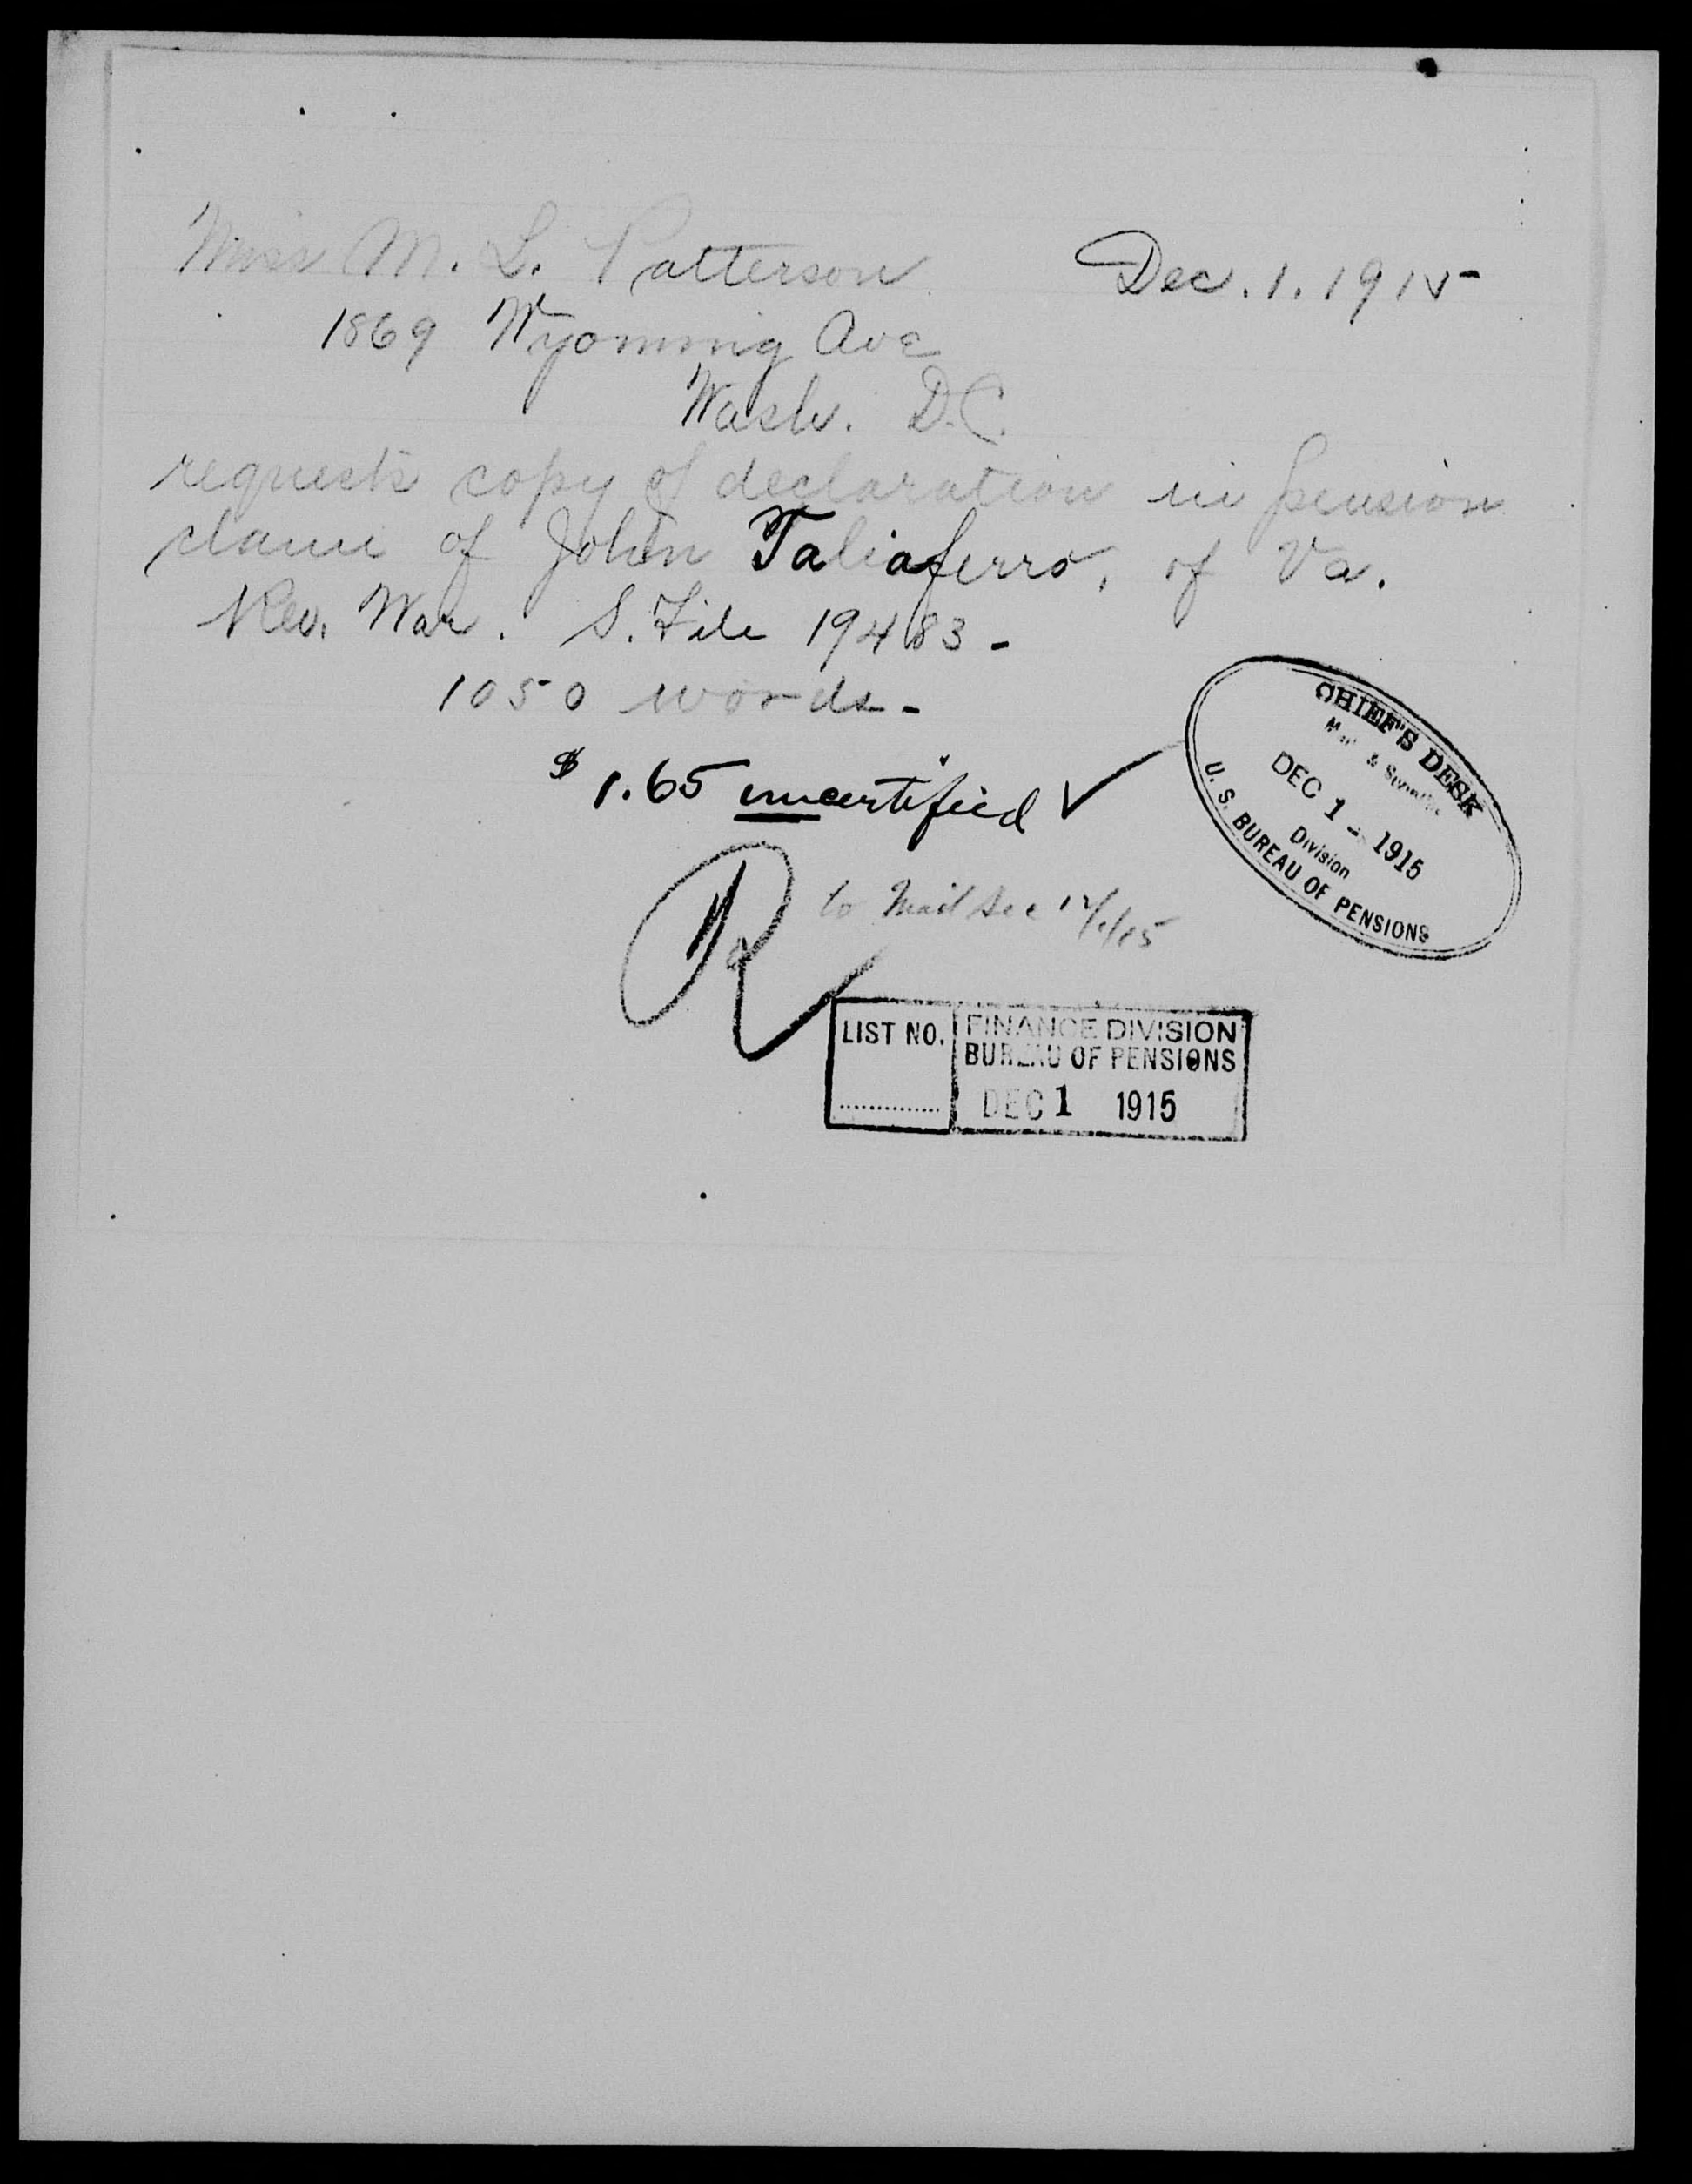Miss M. L. Patterson
Dec 1 1915
1869 Wyoming Ave
Wash D.C.
requests copy of declaration in pension clause of John Taliaferro, of Va. 
Rev; War. S File 19483
1050 words
$1.65 uncertified 
R to Mail Sec 12/1/15
[oval stamp]
Chief's Desk
Dec 1 1915
Division U.S. Bureau of Pensions

[rectangular stamp]
List No. 
Finance Division
Bureau of Pensions
Dec 1 1915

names: M L Patterson; John Taliaferro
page: 24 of 34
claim: survivor's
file: S. 19483, for John Taliaferro, Virginia